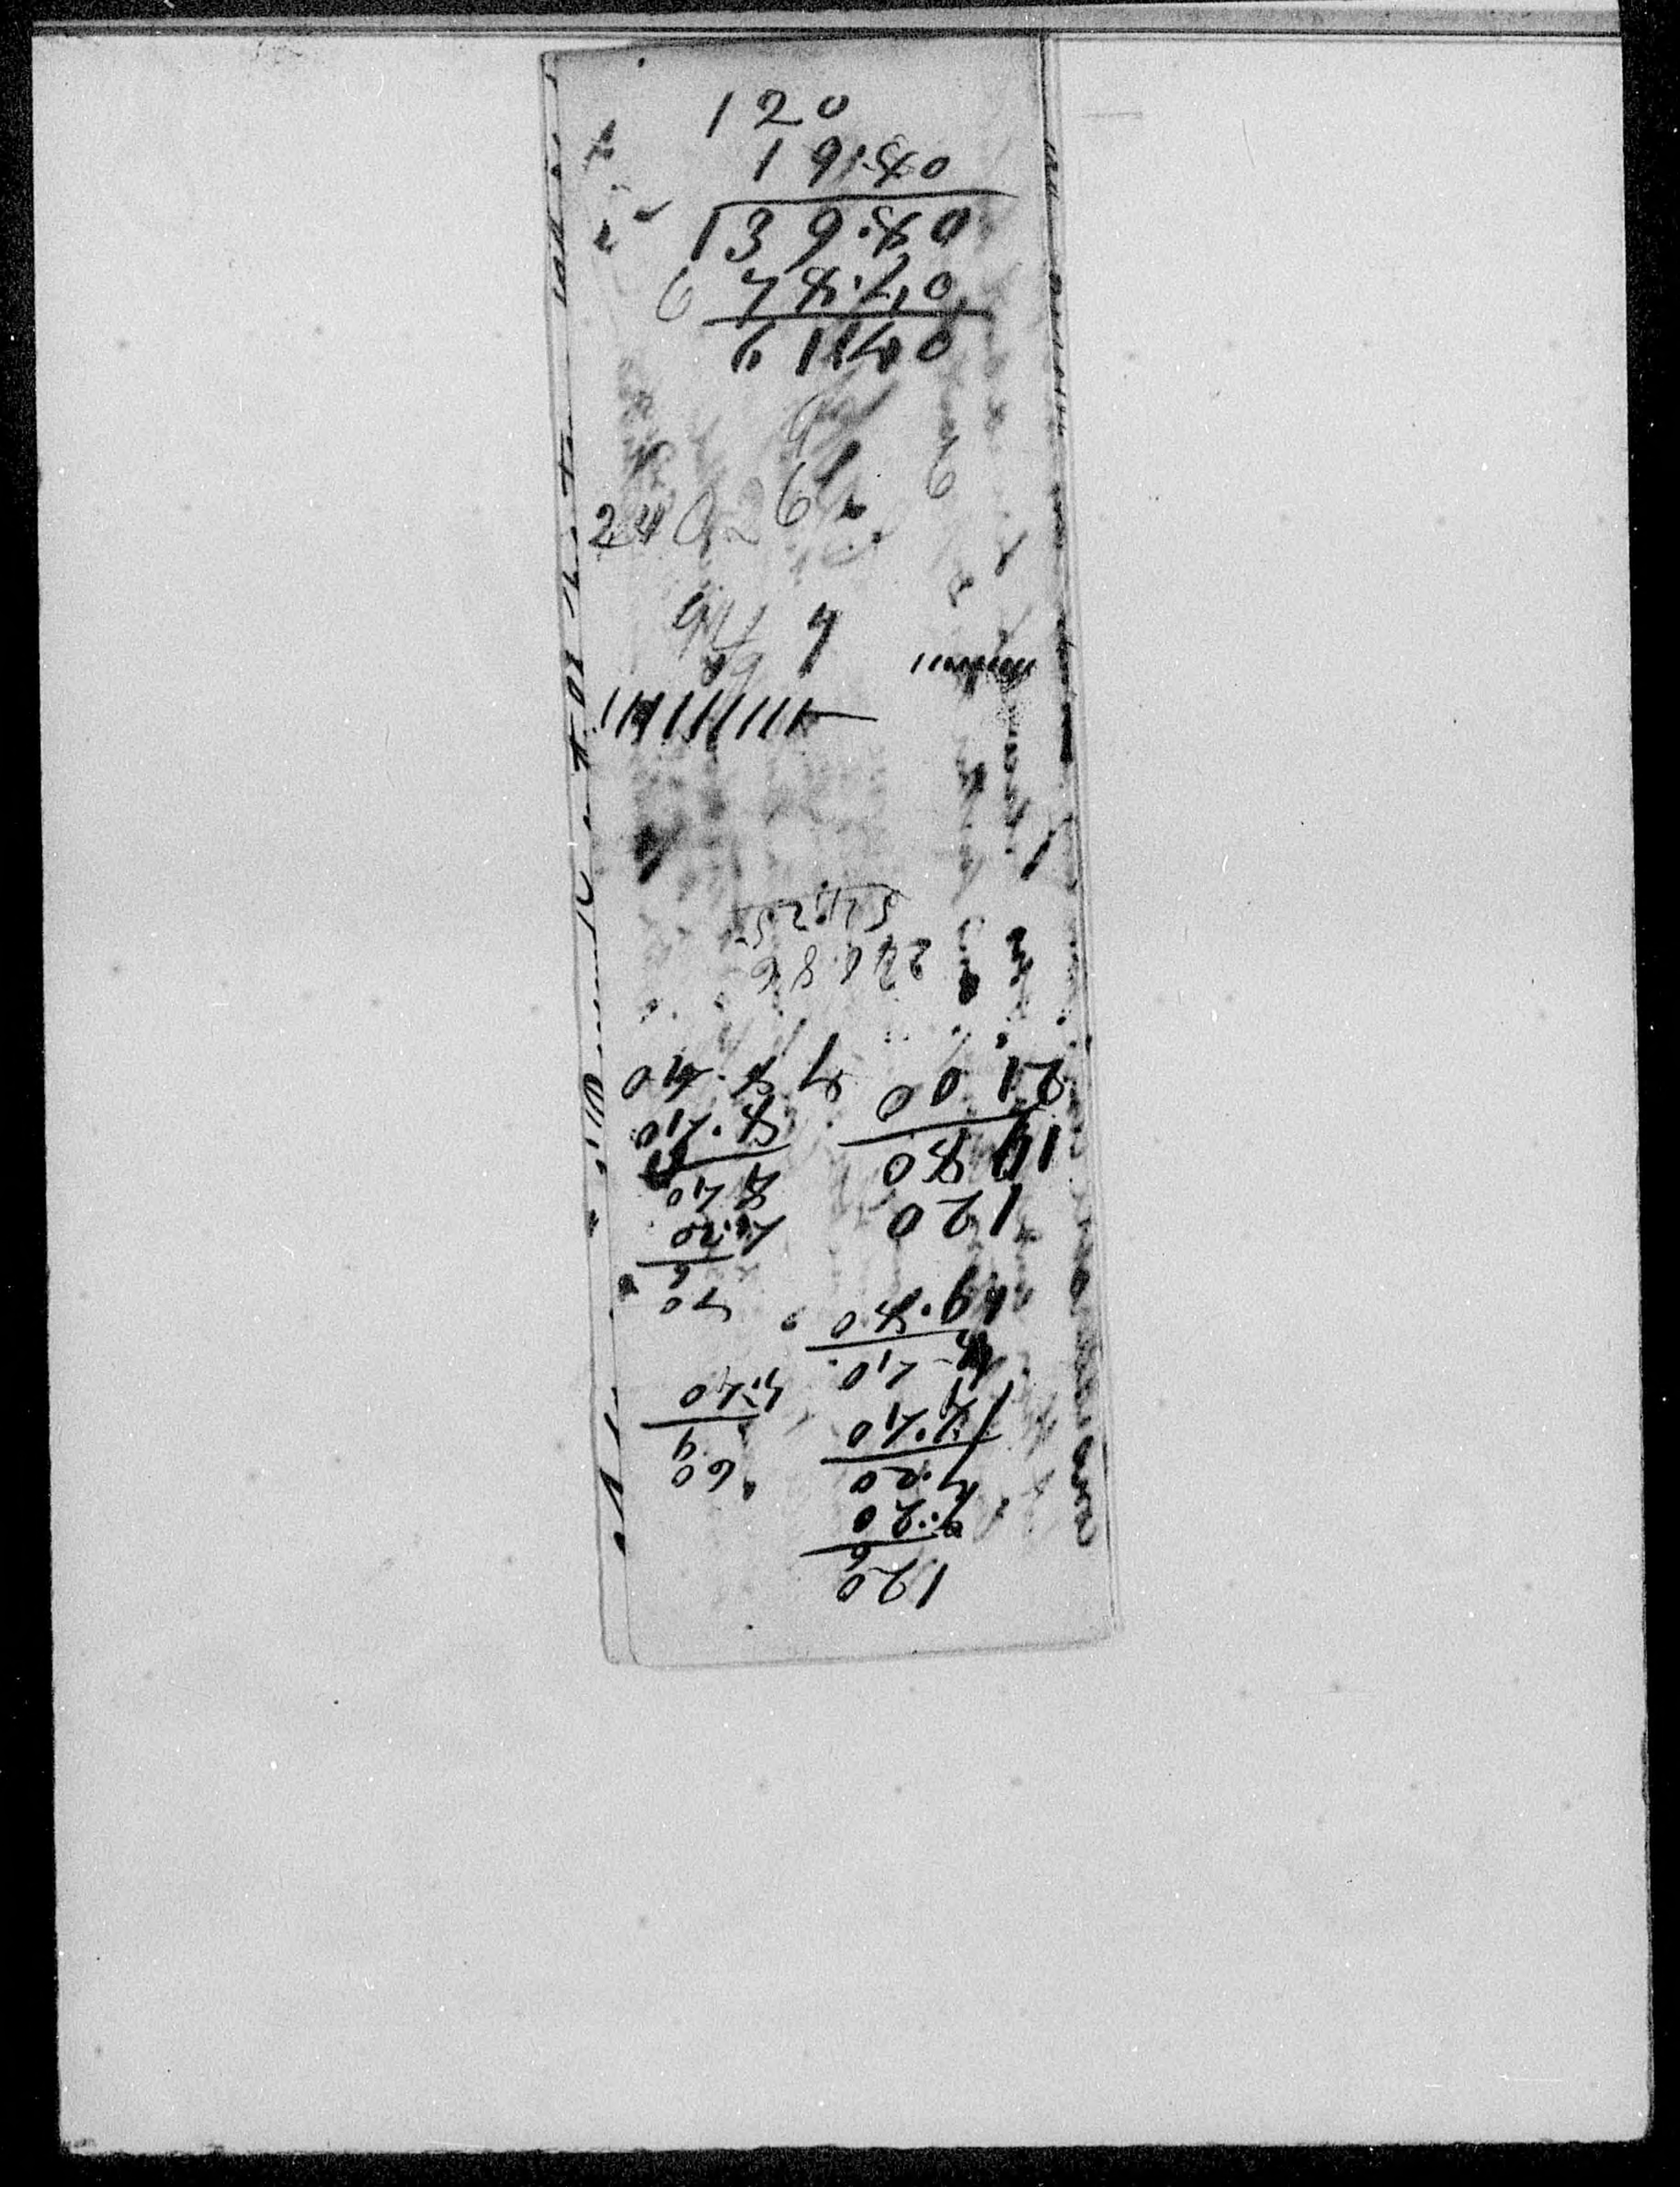120
 19.80
________
139.80
  78.40
______
61140


240  6      6


IIIIIIIIII


IIIIIIIII

in opposite direction from the bottom of the page

120
    6
_______
120
20
________
1440
    40
_________
19.80

60
9
_____
5.40

  120
1980
_______
2100

70
6
_______
4.20
440
8.40
8.40
78.40


246.86
54.25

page: 20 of 53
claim: rejected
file: R. 3732, Jesse Fox, Conn.